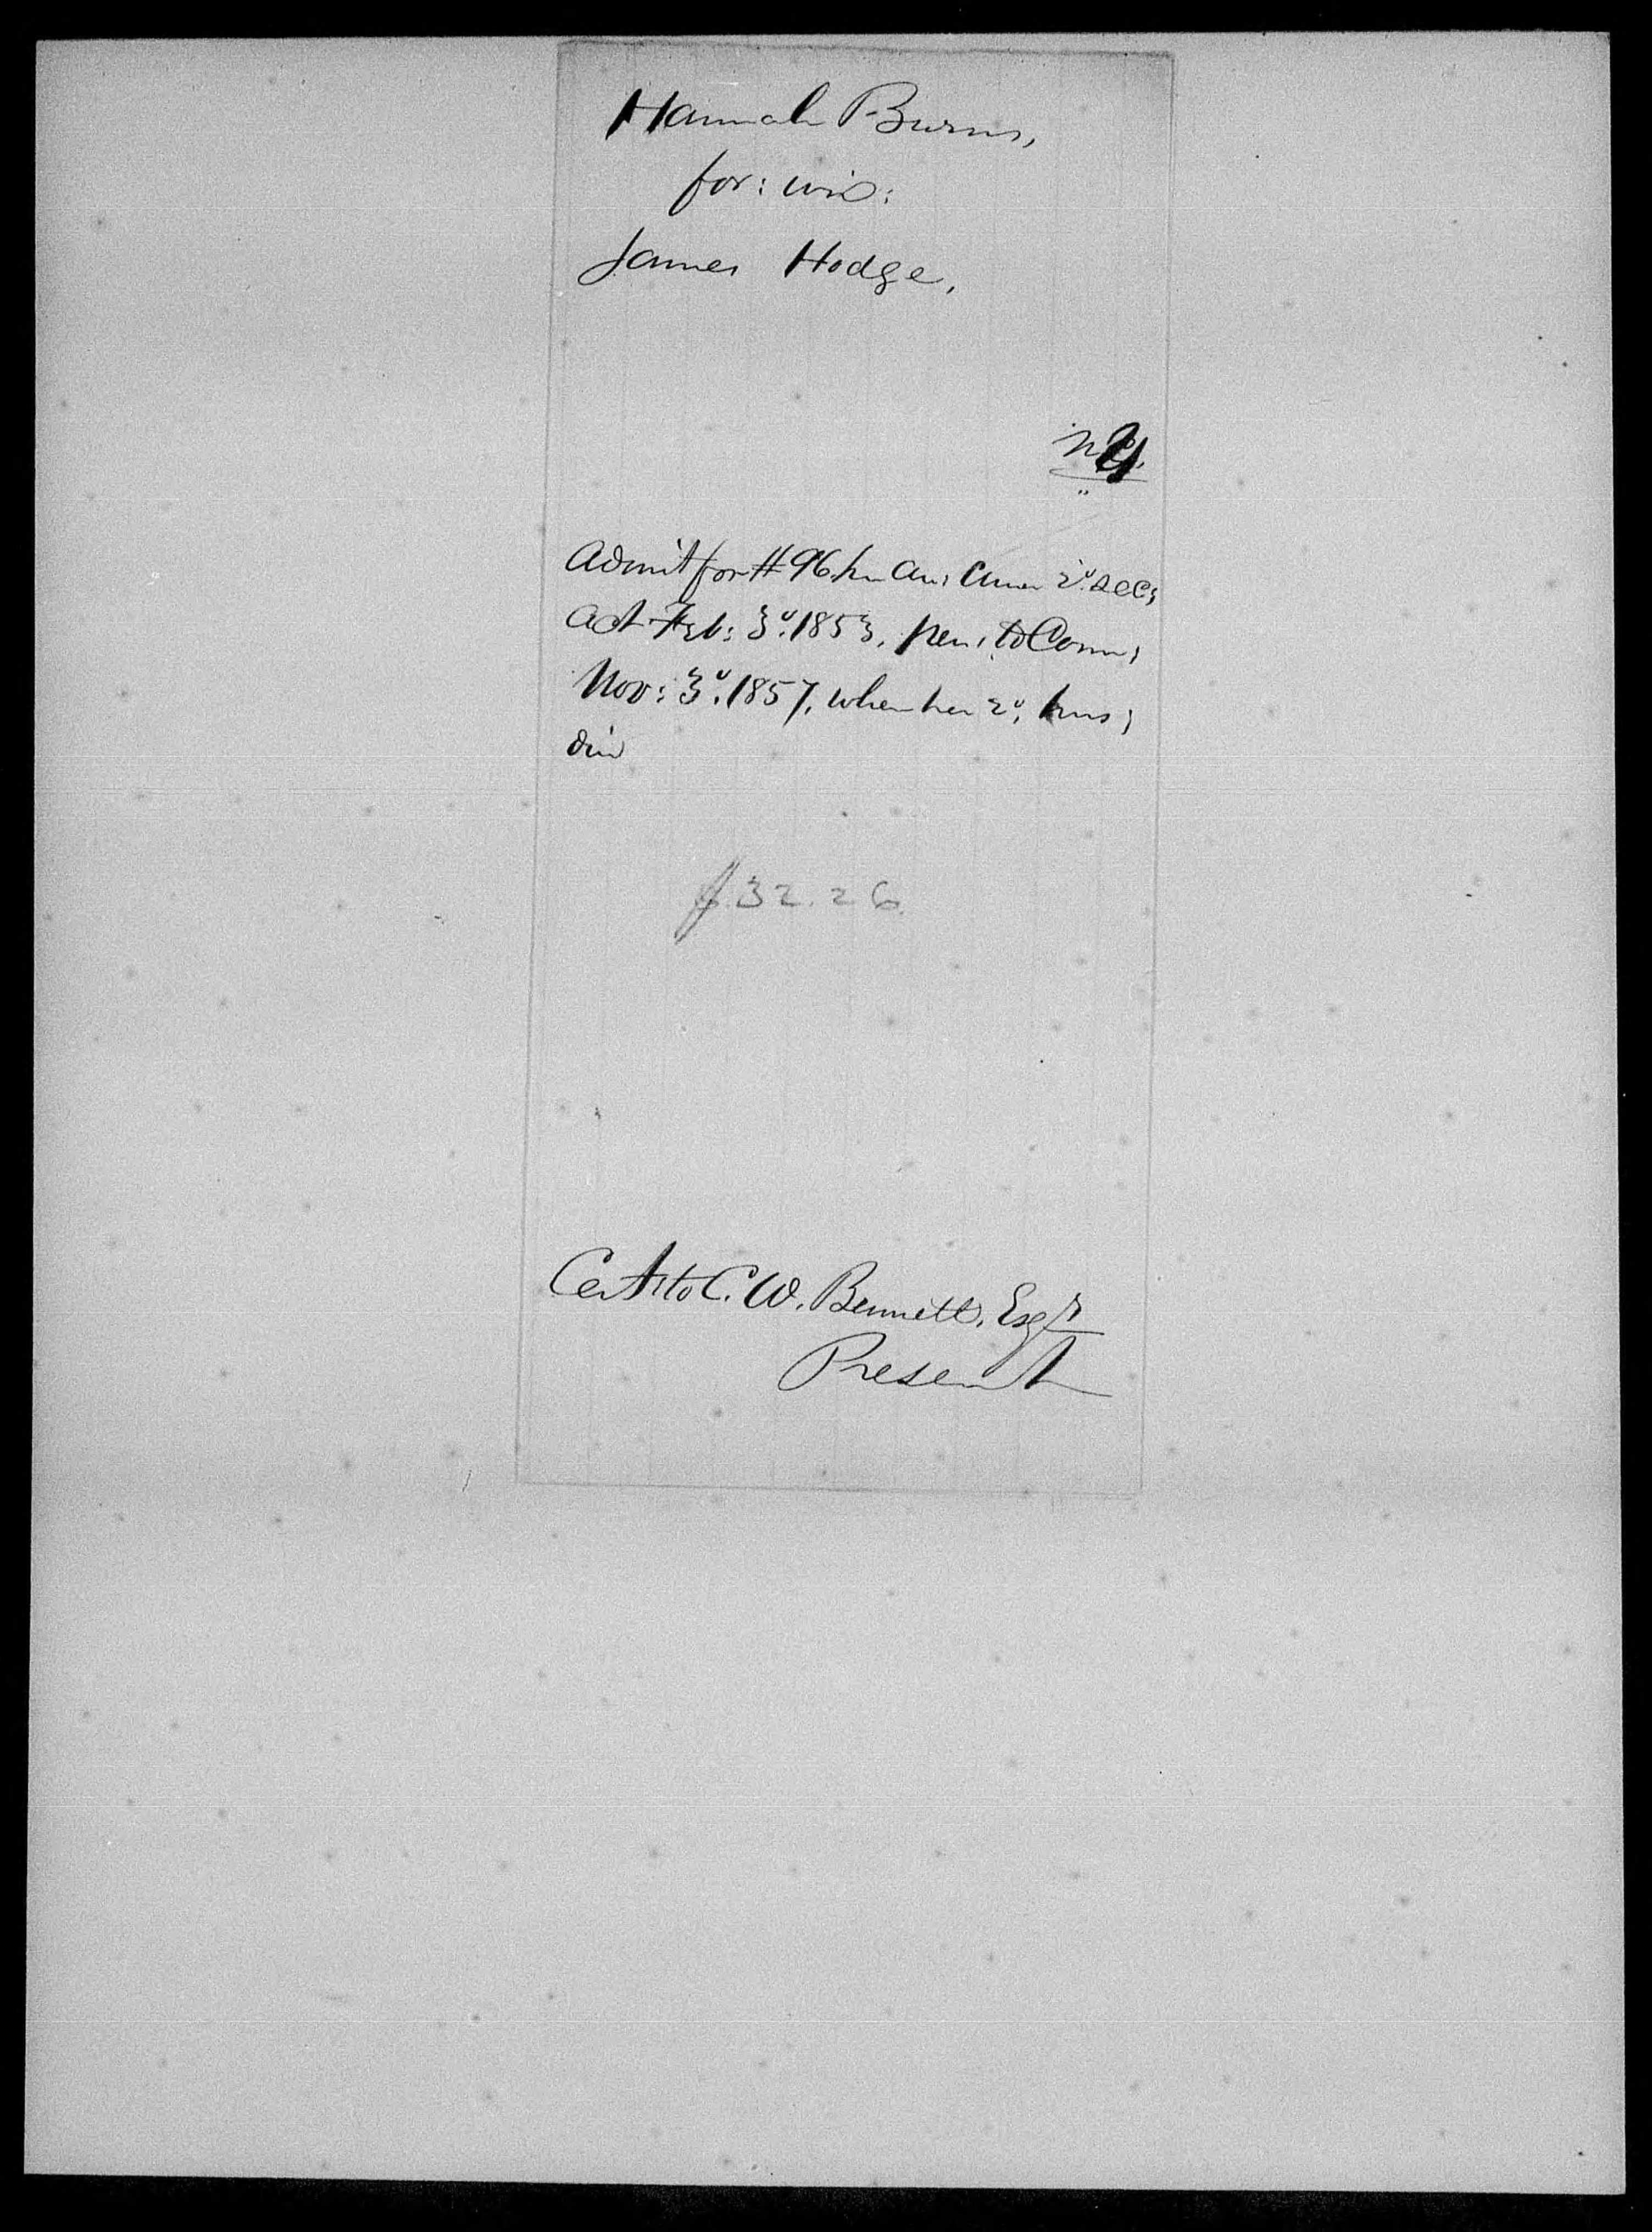Hannah Burns
For: wid:
James Hodge,
NY
Admit for #96 per an, Com 2 dec
Act Feb: 3d. 1853. Per to Com
Nov: 3d 1857, when her 2d hus
Died
$32.26
Cert to C.W. Bennet. Esq
Present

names: C W Bennett, James Hodge, Hannah Burns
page: 25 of 48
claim: widow's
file: W. 10476, James Hodge, New York